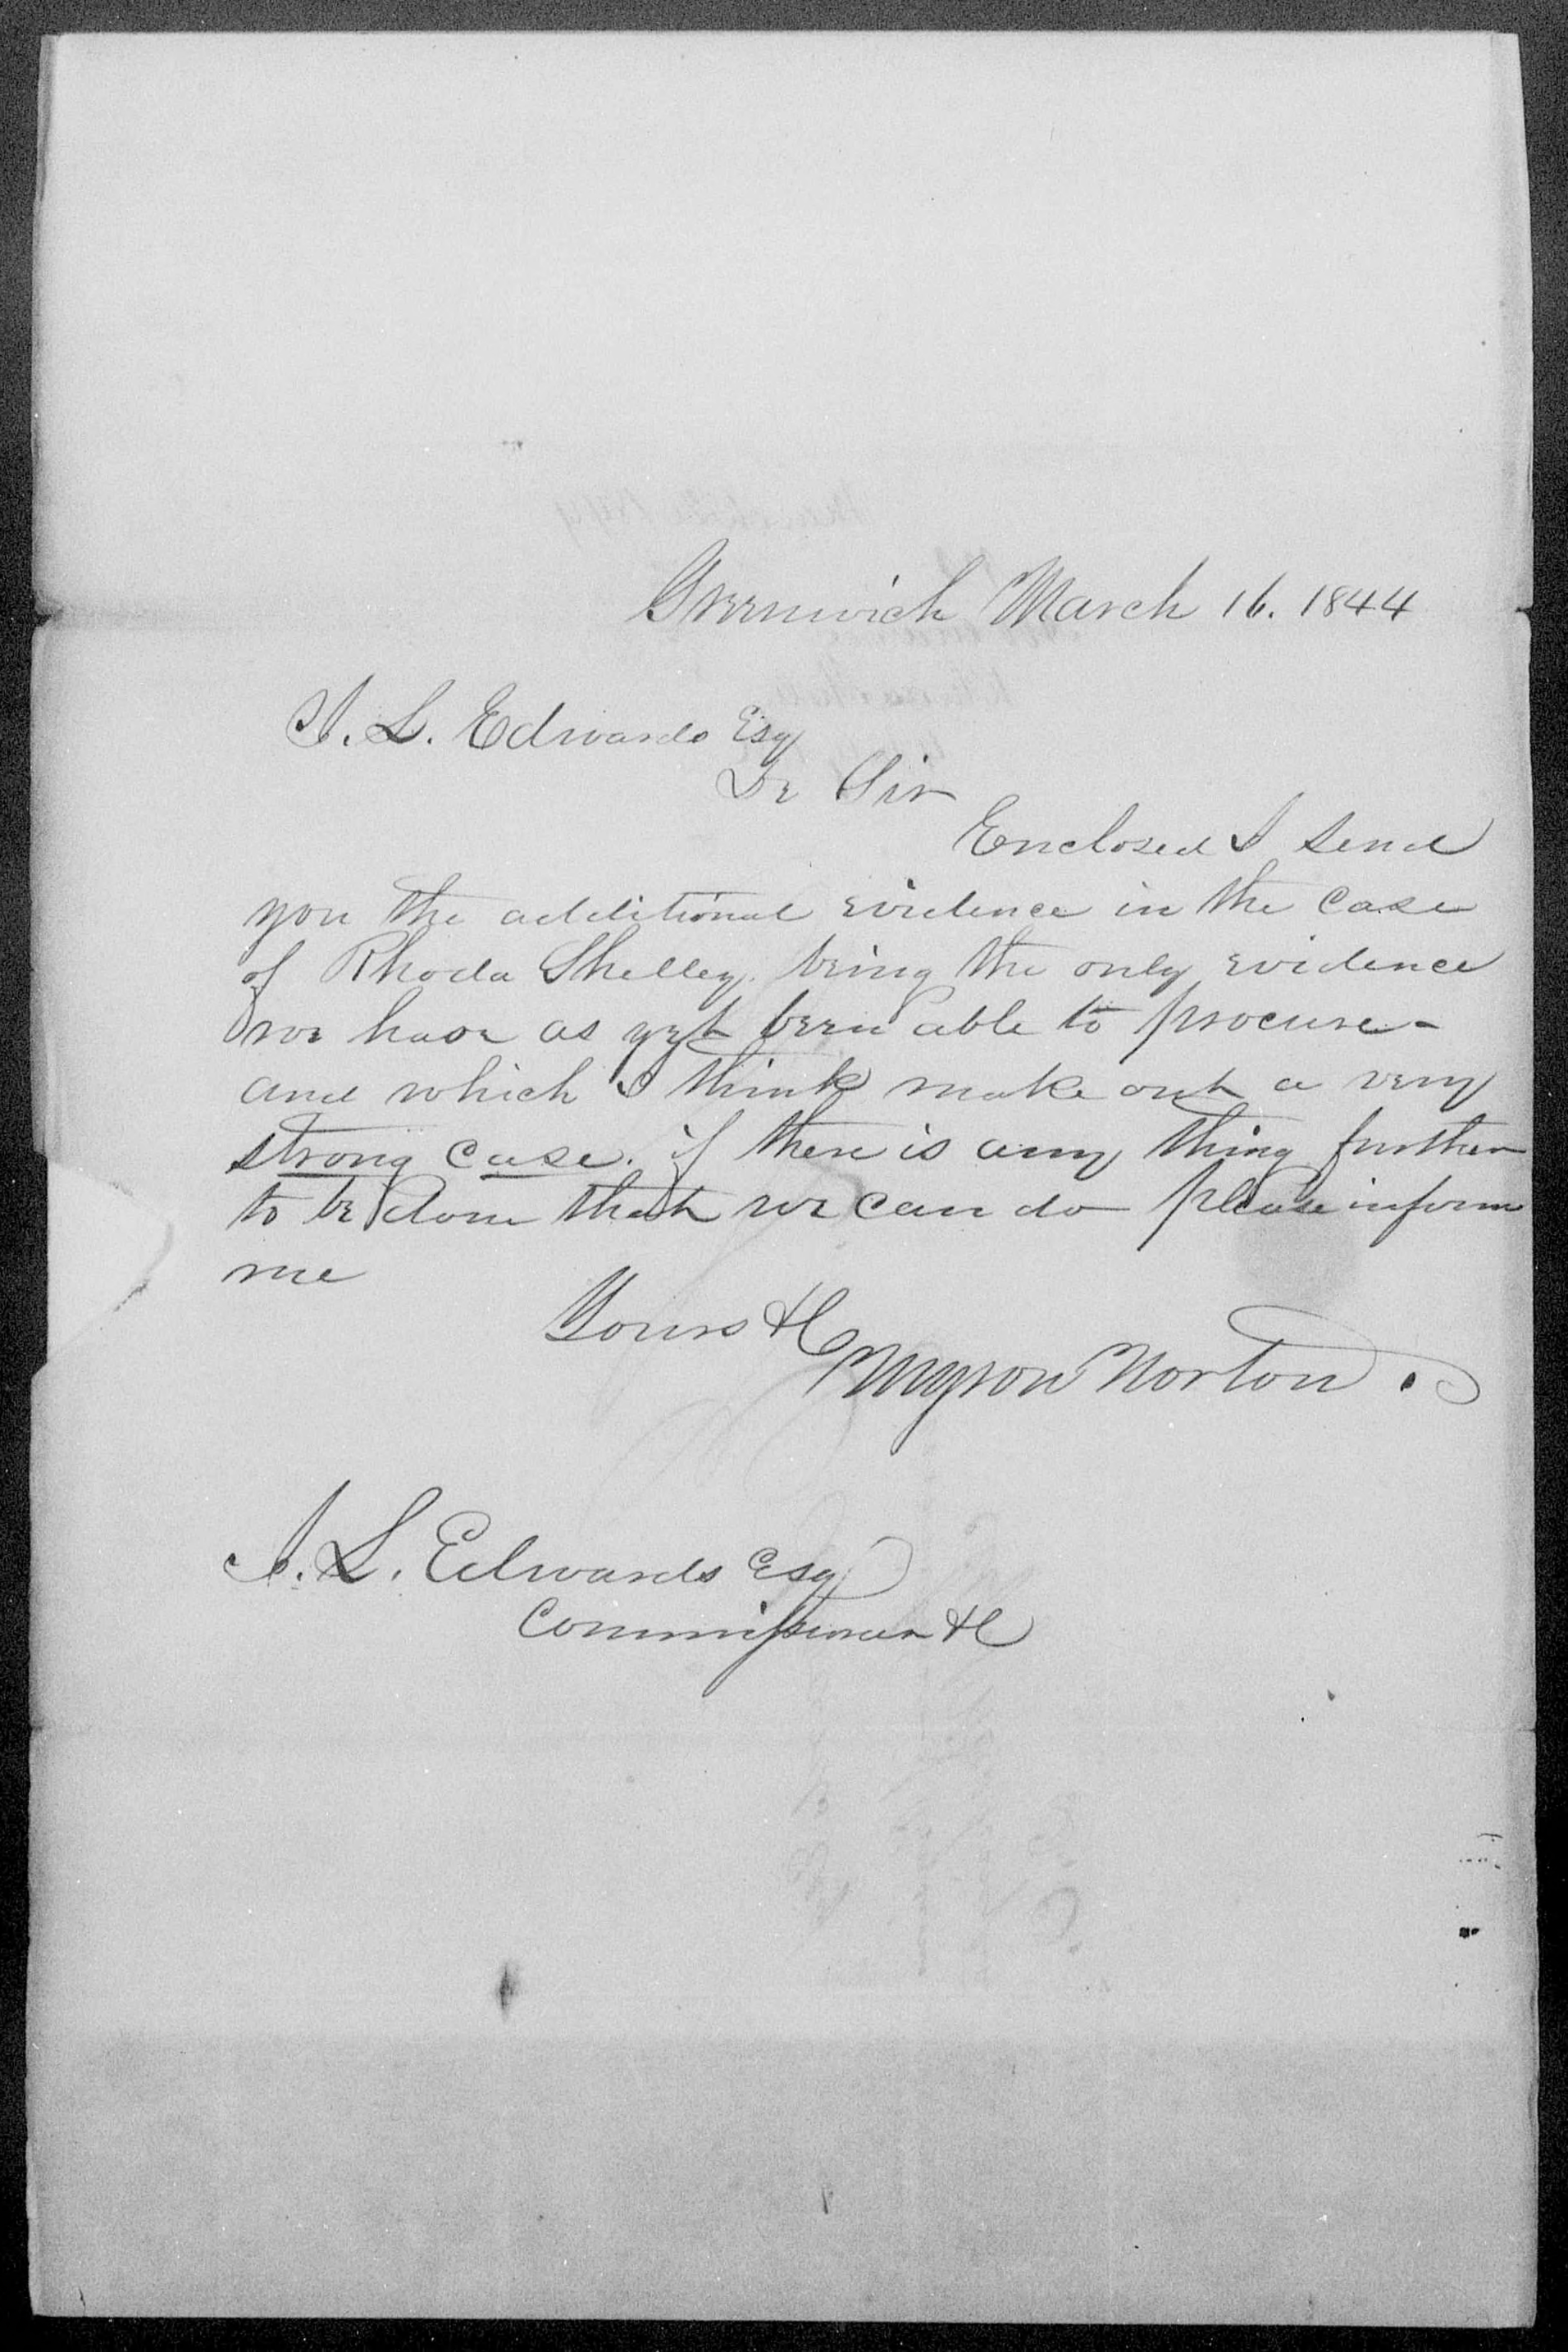Greenwich March 16, 1844

J.L. Edwards Esq

Dr Sir
Enclosed I send you the additional Evidence in the case of Rhoda Shelley being the only Evidence we have as yet been able to procure - and which I think make out a very strong case. if there is any thing further to be done that we can do please inform me

Yours &c
Myron Norton

J.L.  Edwards Esq
Commission &c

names: Rhoda Shelley, J L Edwards, J L Edwards, Myron Norton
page: 31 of 51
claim: widow's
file: W. 19,026, Israel Harrington, R.I.